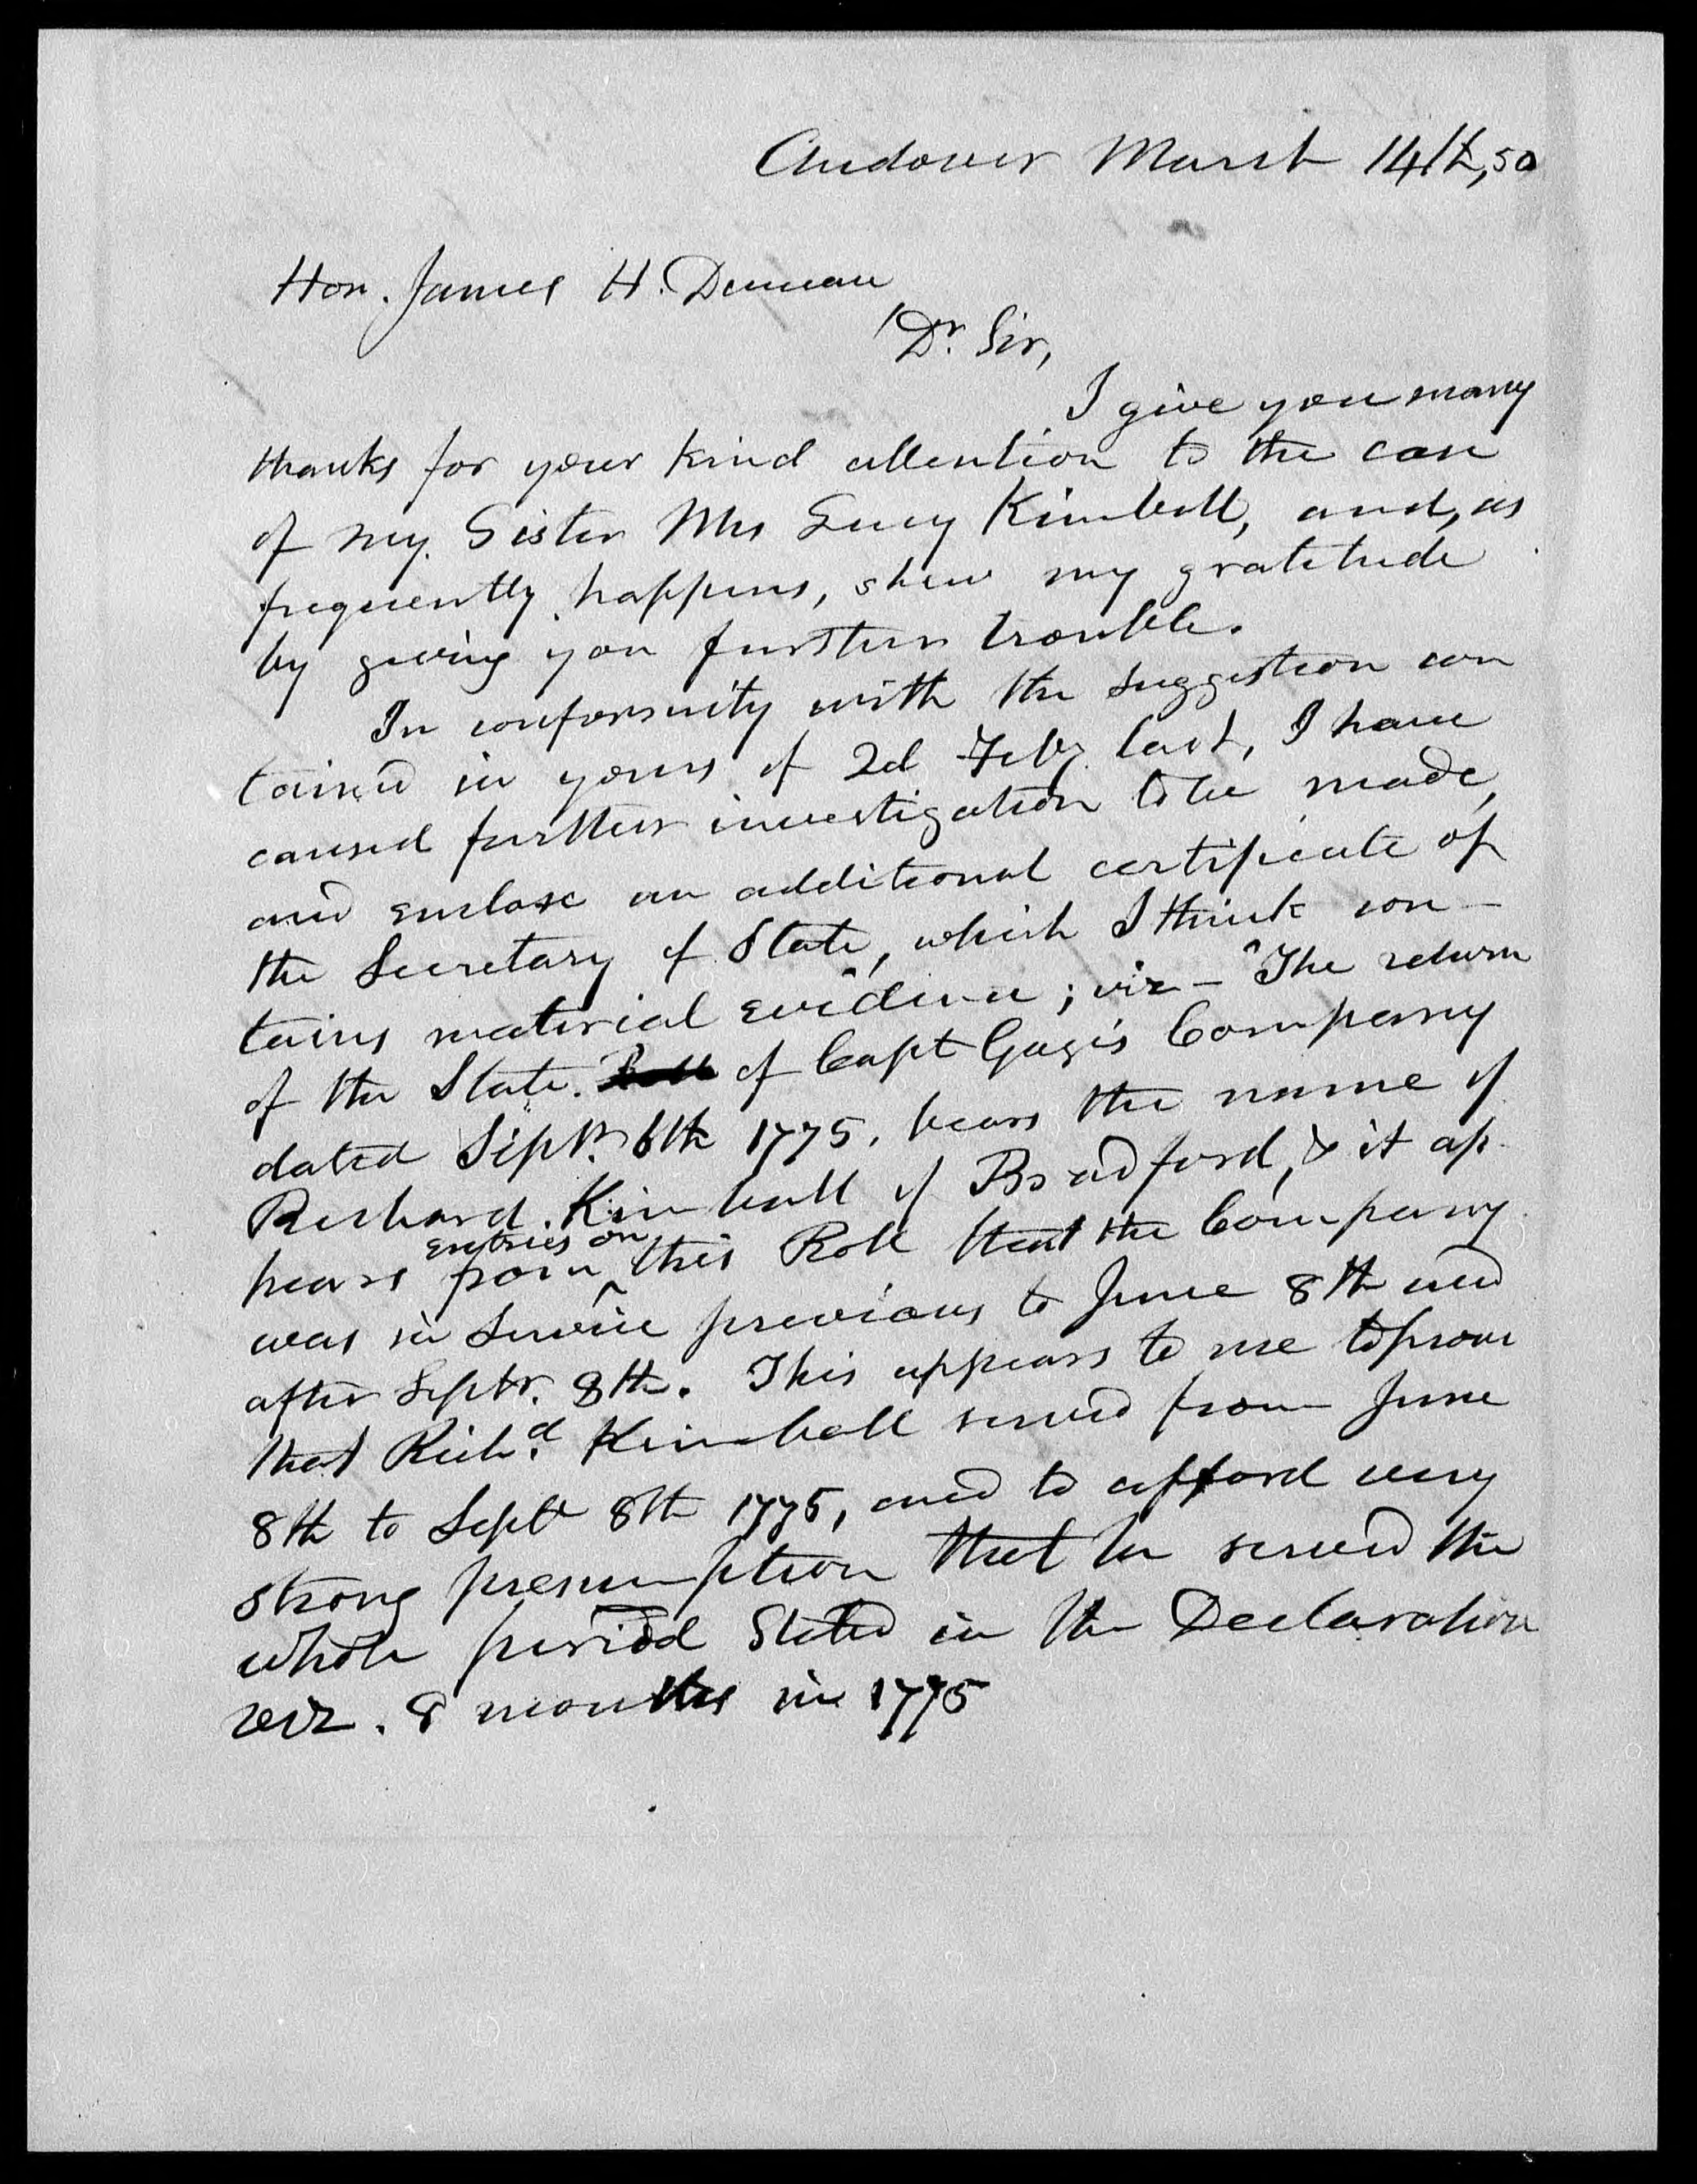Andover March 14th, 50

Hon. James H. Duncan,
Dr. Sir,
I give you many thanks for your kind attention to the care of my Sister Mrs Lucy Kimball, and, as frequently happens, show my gratitude by giving you further trouble.

In conformity with the suggestion contained in yours of 2d Feby last, I have caused further investigation to be made, and enclose an additional certificate of the Secretary of State, which I think contains material evidence; viz - The return of the state of Capt Gage's Company dated Sept 8th 1775, bears the name of Richard Kimball of Bradford, & it appears from entries on this roll that the Company was in service previous to June 8th and after Sept 8th. This appears to me to prove that Richard Kimball served from June 8th to Sept 8th 1775, and to afford very strong presumption that he served this whole period stated in the Declaration viz. 8 months in 1775.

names: James H Duncan; Richard Kimball; Lucy Kimball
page: 27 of 29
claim: widow's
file: W. 1779, for Richard Kimball, Massachusetts